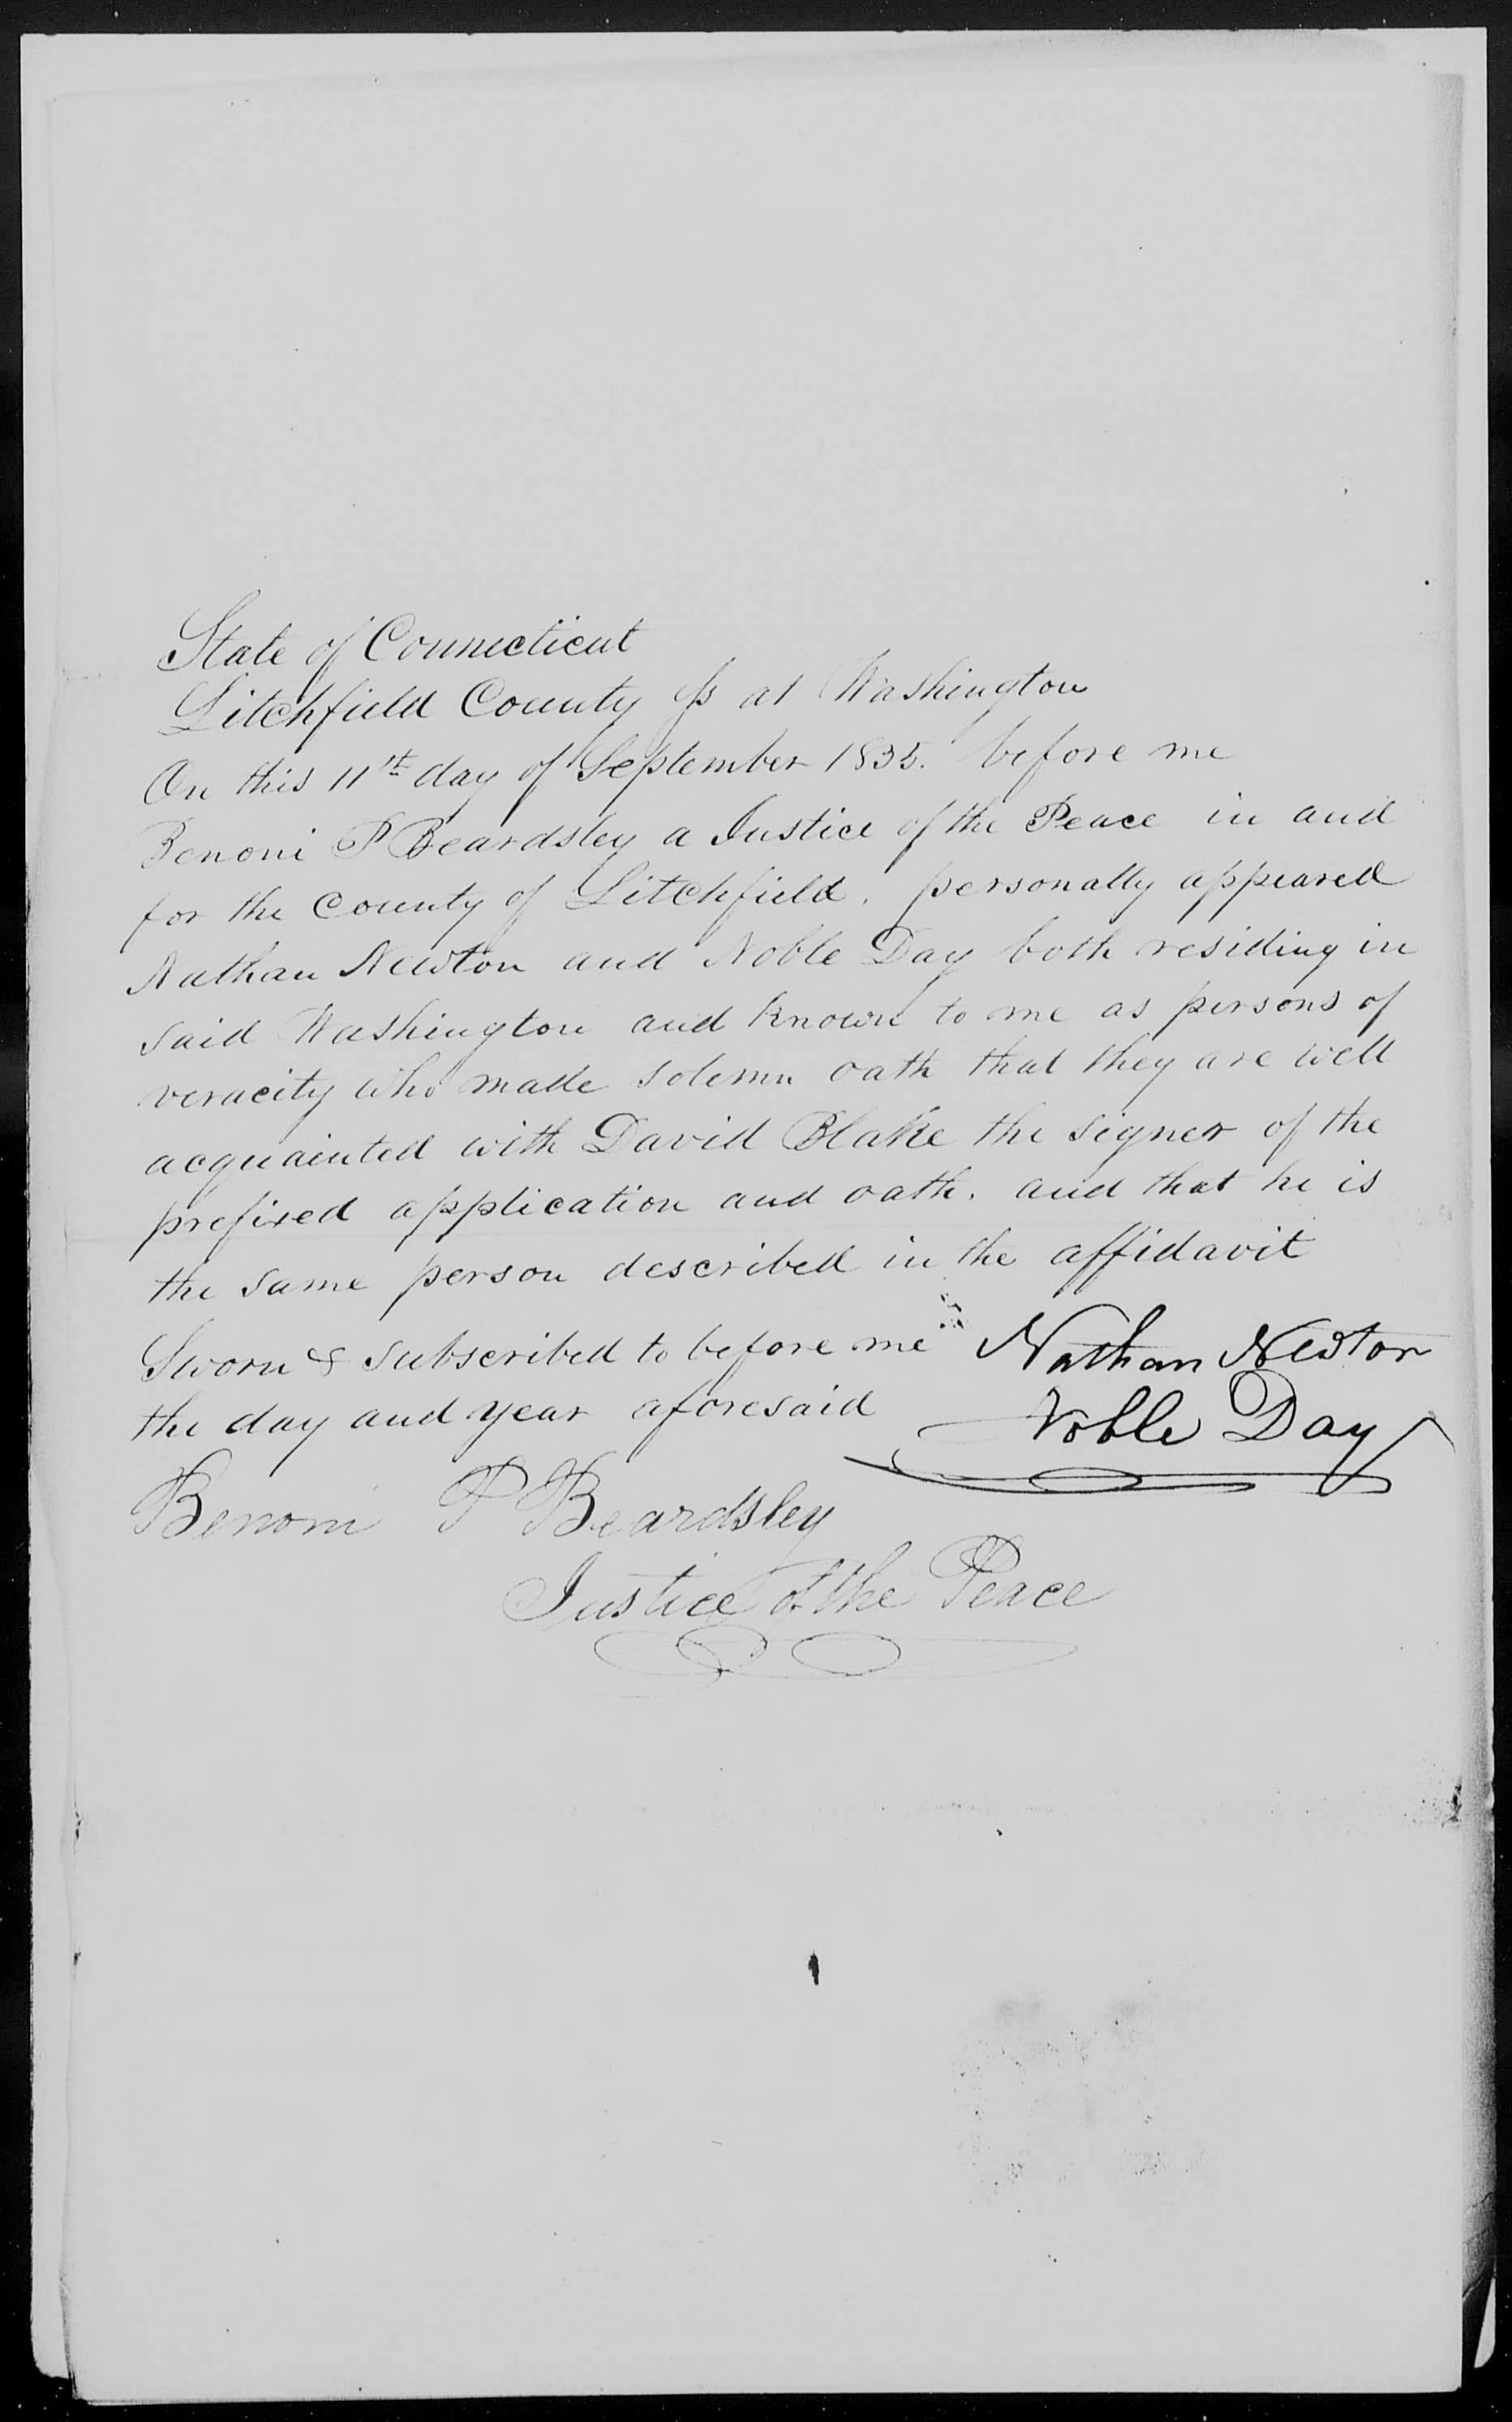State of Connecticut
Litchfield County is at Washington
On this 11th day of September 1835 before me
Benoni P Beardsley a Justice of the Peace in and
for the County of Litchfield personally appeared
Nathan Newton and Noble Day both residing in
said Washington and known to me as persons of
veracity who made solemn oath that they are well
acquainted with David Blake the signer of the
prefixed application and oath, and that he is
the same person described in the affidavit
Sworn & subscribed to before me 
the day and year aforesaid
Nathan Newton
Noble Day
Benoni Beardsley
Justice of the Peace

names: Noble Day, Noble Day, Nathan Newton, David Blake, Benoni P Beardsley, Benoni P Beardsley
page: 9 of 21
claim: survivor's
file: S. 23,128, David Blake, Conn.